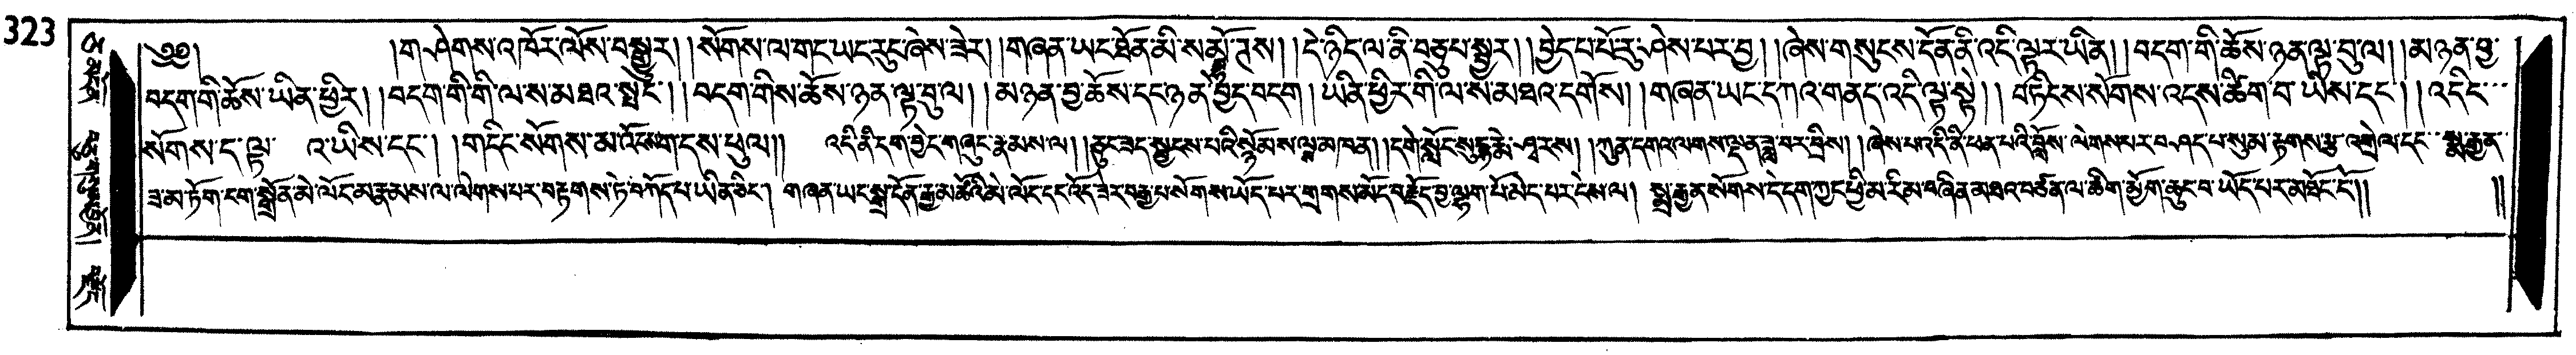༄༅། །གཤེགས་འཁོར་ལོས་བསྒྱུར། །སོགས་ལ་གང་ཡང་རུང་ཞེས་ཟེར། །གཞན་ཡང་ཐོན་མི་སམྦྷོ་ཊས། །དེ་ཉིད་ལ་ནི་བཅུ་པ་སྦྱར། །བྱེད་པ་པོ་རུ་ཤེས་པར་བྱ། །ཞེས་གསུངས་དོན་ནི་འདི་ལྟར་ཡིན། །བདག་གི་ཆོས་ཉན་ལྟ་བུ་ལ། །མཉན་བྱ་
བདག་གི་ཆོས་ཡིན་ཕྱིར། །བདག་གི་གི་ལས་མཐའ་སྤང་། །བདག་གིས་ཆོས་ཉན་ལྟ་བུ་ལ། །མཉན་བྱ་ཆོས་དང་ཉན་བྱེད་བདག། །ཡིན་ཕྱིར་གི་ལས་ས་མཐའ་དགོས། །གཞན་ཡང་དཀའ་གནད་འདི་ལྟ་སྟེ། །བཏིངས་སོགས་འདས་ཚིག་བ་ཡིས་དང་། འདིང་
སོགས་ད་ལྟ་འ་ཡིས་དང་། །གདིང་སོགས་མ་འོངས་ག་དས་ཕུལ།། འདི་ནི་དག་བྱེད་གཞུང་རྣམས་ལ། །ཅུང་ཟད་སྦྱངས་པའི་སྙོམས་ལས་མཁན། །དགེ་སློང་སུ་དྷ་རྨེ་ཤྭ་རས། །ཀུན་དགའ་ལགས་ལྡན་ཟླ་བར་བྲིས། །ཞེས་པ་འདི་ནི་ཕན་པའི་བློས་ལེགས་པར་བཤད་པ་སུམ་རྟག་རྩ་འགྲེལ་དང་རྨ་རྒྱན་
ཟ་མ་ཏོག་ངག་སྒྲོན་མེ་ལོང་མ་རྣམས་ལ་ལེགས་པར་བརྟགས་ཏེ་བཀོད་པ་ཡིན་ཅིང་། གཞན་ཡང་སྒྲ་དོན་རྒྱ་མཚོའི་མེ་ལོང་དང་འོད་ཟེར་བརྒྱ་པ་སོགས་ཡོད་པར་གྲགས་མོད་བརྗོད་བྱ་ལྷག་པོ་མེད་པར་ངེས་ལ། སྨྲ་རྒྱན་སོགས་དེ་དག་ཀྱང་ཕྱི་མ་རིམ་བཞིན་མཐའ་བཙན་ལ་ཚིག་ཆུང་བ་ཡོད་པར་མཐོང་ངོ།། །།